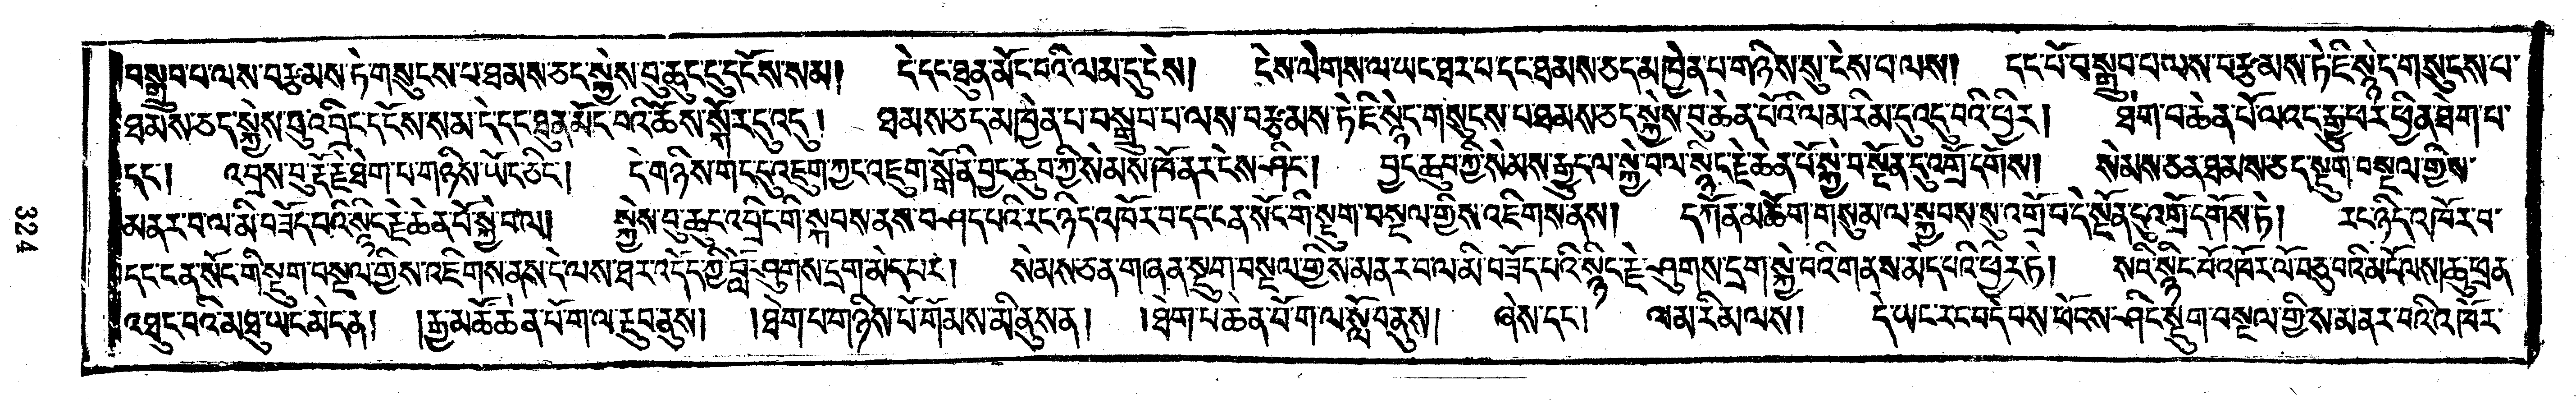བསྒྲུབ་པ་ལས་བརྩམས་ཏེ་གསུངས་པ་ཐམས་ཅད་སྐྱེས་བུ་ཆུང་དུ་དངོས་སམ། དེ་དང་ཐུན་མོང་བའི་ལམ་དུ་ངེས། དེས་ལེགས་ལ་ཡང་ཐར་པ་དང་ཐམས་ཅད་མཁྱེན་པ་གཉིས་སུ་ངེས་པ་ལས། དང་པོ་བསྒྲུབ་པ་ལས་བརྩམས་ཏེ་ཇི་སྙེད་གསུངས་པ་
ཐམས་ཅད་སྐྱེས་བུ་འབྲིང་དངོས་སམ་དེ་དང་ཐུན་མོང་བའི་ཆོས་སྐོར་དུ་འདུ། ཐམས་ཅད་མཁྱེན་པ་བསྒྲུབ་པ་ལས་བརྩམས་ཏེ་ཇི་སྙེད་གསུངས་པ་ཐམས་ཅད་སྐྱེས་བུ་ཆེན་པོའི་ལམ་རིམ་དུ་འདུ་བའི་ཕྱིར། ཐེག་བ་ཆེན་པོ་ལའང་རྒྱུ་ཕར་ཕྱིན་ཐེག་པ་
དང་། འབྲས་བུ་རྡོ་རྗེ་ཐེག་པ་གཉིས་ཡོད་ཅིང་། དེ་གཉིས་གང་དུ་འཇུག་ཀྱང་འཇུག་སྒོ་ནི་བྱང་ཆུབ་ཀྱི་སེམས་ཁོ་ནར་ངེས་ཤིང་། བྱང་ཆུབ་ཀྱི་སེམས་རྒྱུད་ལ་སྐྱེ་བ་ལ་སྙིང་རྗེ་ཆེན་པོ་སྐྱེ་བ་སྔོན་དུ་འགྲོ་དགོས། སེམས་ཅན་ཐམས་ཅད་སྡུག་བསྔལ་གྱིས་
མནར་བ་ལ་མི་བཟོད་བའི་སྙིང་རྗེ་ཆེན་པོ་སྐྱེ་བ་ལ། སྐྱེས་བུ་ཆུང་འབྲིང་གི་སྐབས་ནས་བཤད་པའི་རང་ཉིད་འཁོར་བ་དང་ངན་སོང་གི་སྡུག་བསྔལ་གྱིས་འཇིགས་ནས། དཀོན་མཆོག་གསུམ་ལ་སྐྱབས་སུ་འགྲོ་བ་དེ་སྔོན་དུ་འགྲོ་དགོས་ཏེ། རང་ཉིད་འཁོར་བ་
དང་ངན་སོང་གི་སྡུག་བསྔལ་གྱིས་འཇིགས་ནས་དེ་ལས་ཐར་འདོད་ཀྱི་བློ་ཤུགས་དྲག་མེད་པར། སེམས་ཅན་གཞན་སྡུག་བསྔལ་གྱིས་མནར་བ་ལ་མི་བཟོད་པའི་སྙིང་རྗེ་ཤུགས་དྲག་སྐྱེ་བའི་གནས་མེད་པའི་ཕྱིར་ཏེ། སའི་སྙིང་པོ་འཁོར་ལོ་བཅུ་བའི་མདོ་ལས། ཆུ་ཕྲན་
འཐུང་བའི་མཐུ་ཡང་མེད་ན། །རྒྱ་མཚོ་ཆེན་པོ་ག་ལ་རྡུབ་ནུས། །ཐེག་པ་གཉིས་པོ་གོམས་མི་ནུས་ན། །ཐེག་པ་ཆེན་པོ་ག་ལ་སློབ་ནུས། ཞེས་དང་། ལམ་རིམ་ལས། དེ་ཡང་རང་བདེ་བས་ཕོངས་ཤིང་སྡུག་བསྔལ་གྱི་ས་མནར་བའི་འཁོར་